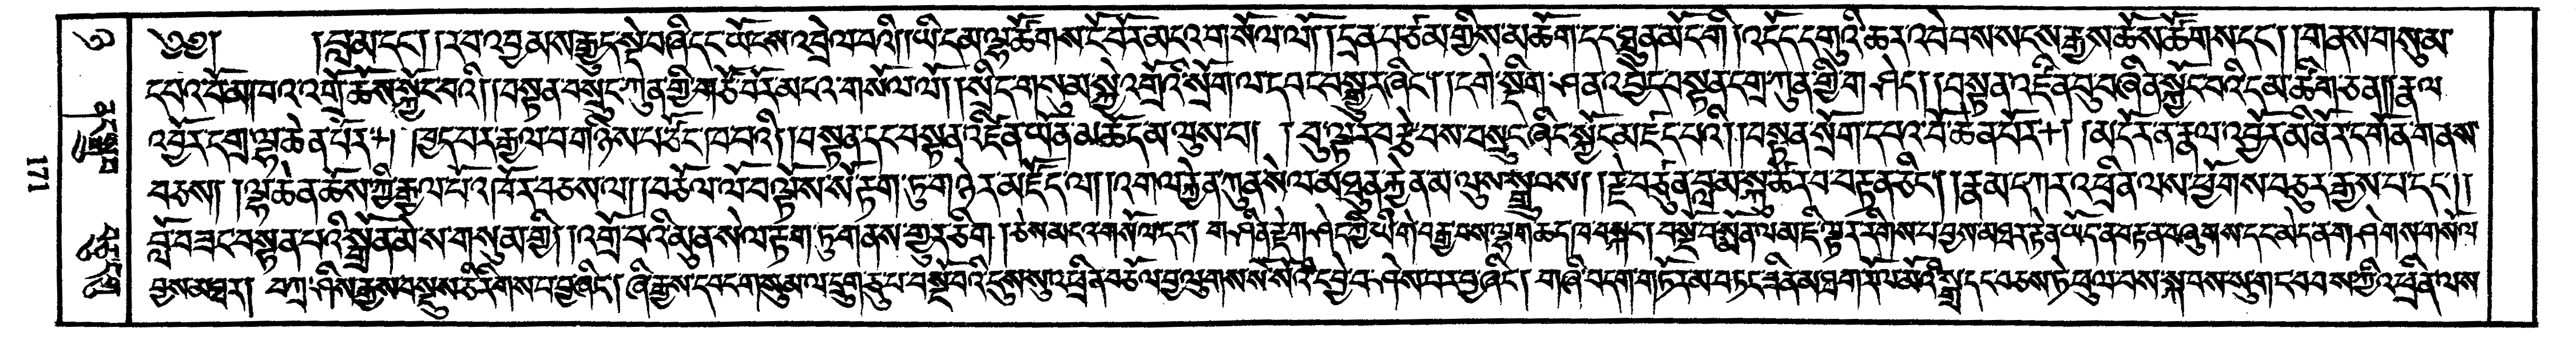༄༅། །བླ་མ་དང་། །རབ་འབྱམས་རྒྱུད་སྡེ་བཞི་དང་ཡོངས་འབྲེལ་བའི། །ཡི་དམ་ལྷ་ཚོགས་ངོ་བོར་མངའ་གསོལ་ལོ། །དྲན་པ་ཙམ་གྱིས་མཆོག་དང་ཐུན་མོང་གི། །འདོད་དགུའི་ཆར་འབེབས་སངས་རྒྱས་ཆོས་ཚོགས་དང་། །གནས་གསུམ་
དཔའ་བོ་མཁའ་འགྲོ་ཆོས་སྐྱོང་བའི། །བསྟན་བསྲུང་ཀུན་གྱི་གཙོ་བོར་མངའ་གསོལ་ལོ། །སྲིད་གསུམ་སྐྱེ་འགྲོའི་སྲོག་ལ་དབང་བསྒྱུར་ཞིང་། །དགེ་སྡིག་ཤན་འབྱེད་བསྟན་དགྲ་ཀུན་གྱི་གཤེད། །བསྟན་འཛིན་བུ་བཞིན་སྐྱོང་བའི་དམ་ཚིག་ཅན། །རྣལ་
འབྱོར་དགྲ་ལྷ་ཆེན་པོར། ཁྱད་པར་རྒྱལ་བ་གཉིས་པ་རྩོང་ཁ་པའི། །བསྟན་དང་བསྟན་འཛིན་ཡོན་མཆོད་མ་ལུས་པ། །བུ་ལྟར་བརྩེ་བས་བསྲུང་ཞིང་སྐྱོང་མཛད་པའི། །བསྟན་སྲོག་དཔའ་བོ་ཆེན་པོར། །མདོར་ན་རྣལ་འབྱོར་མི་ནོར་དགོན་གནས་
བཅས། །ལྷ་ཆེན་ཆོས་ཀྱི་རྒྱལ་པོ་འཁོར་བཅས་ལ། །བཅོལ་ལོ་བལྟོས་སོ་རྟག་ཏུ་གཉེར་མཛོད་ལ། །འགལ་རྐྱེན་ཀུན་སེལ་མཐུན་རྐྱེན་མ་ལུས་སྒྲུབས། །རྗེ་བཙུན་བླ་མ་སྐུ་ཚེ་རབ་བརྟན་ཅིང་། །རྣམ་དཀར་འཕྲིན་ལས་ཕྱོགས་བཅུར་རྒྱས་པ་དང།།
བློ་བཟང་བསྟན་པའི་སྒྲོན་མེ་ས་གསུམ་གྱི། །འགྲོ་བའི་མུན་སེལ་རྟག་ཏུ་གནས་གྱུར་ཅིག། །ཅེས་མངའ་གསོལ་དང་། གཤིན་རྗེ་གཤེད་ཀྱི་ཡི་གེ་བརྒྱ་བས་ལྷག་ཆད་ཁ་བསྐང་། བསྔོ་བ་སྨོན་ལམ་ཇི་ལྟར་རིགས་པ་བྱས་མཐར་རྟེན་ཡོད་ན་བརྟན་བཞུགས་དང་མེད་ན་གཤེགས་གསོལ་
བྱས་མཐར། བཀྲ་ཤིས་རྒྱས་བསྡུས་ཅི་རིགས་པ་བྱ་ཞིང་། ཞི་རྒྱས་དབང་གསུམ་ལ་དྲུག་ཅུ་པ་བསྔོ་བའི་དུས་སུ་འཕྲིན་བཅོལ་བྱ་ལུགས་སོ་སོའི་དབྱེ་བ་ཤེས་པར་བྱ་ཞིང་། གཞི་བདག་གཏོར་མ་བཏང་ཟིན་མ་ཐག་རོལ་མོའི་སྒྲ་དང་བཅས་ཏེ་ཕུལ་བས་སྐབས་སུ་གང་བབས་ཀྱི་འཕྲིན་ལས་